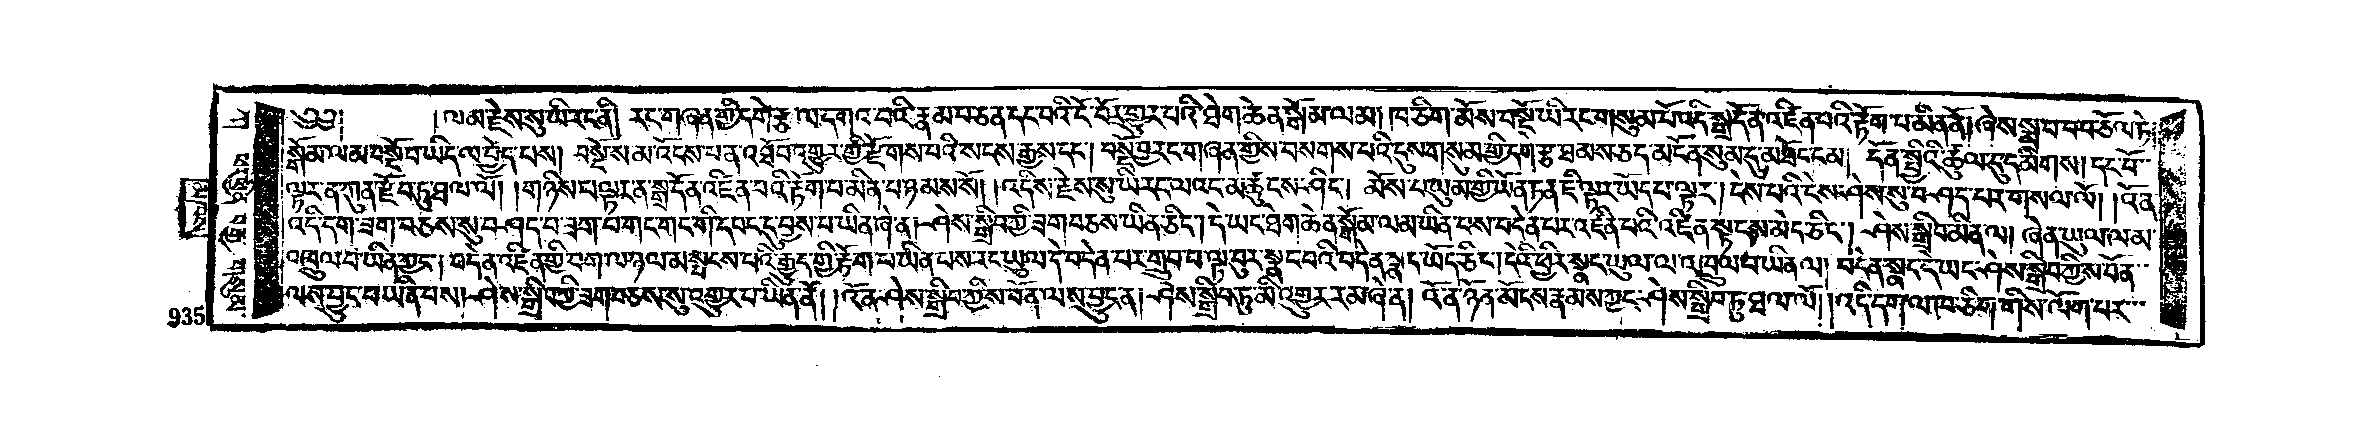༄༅། །ལམ་རྗེས་སུ་ཡི་རང་ནི། རང་གཞན་གྱི་དགེ་རྩ་ལ་དགའ་བའི་རྣམ་པ་ཅན་དང་བའི་ངོ་བོར་གྱུར་པའི་ཐེག་ཆེན་སྒོམ་ལམ། ཁ་ཅིག་མོས་བསྔོ་ཡི་རང་གསུམ་པོ་འདི་སྒྲ་དོན་འཛིན་པའི་རྟོག་པ་མིན་ནོ། ཞེས་སྨྲ་བ་བབ་ཅོལ་ཏེ།
སྒོམ་ལམ་བསྔོ་བ་ཡིད་ལ་བྱེད་པས། བསྔོ་ས་མ་འོངས་པ་ན་འཐོབ་འགྱུར་གྱི་རྫོགས་པའི་སངས་རྒྱས་དང་། བསྔོ་བྱ་རང་གཞན་གྱིས་བསགས་པའི་དུས་གསུམ་གྱི་དགེ་རྩ་ཐམས་ཅད་མངོན་སུམ་དུ་མཐོང་ངམ། དོན་སྤྱིའི་ཚུལ་དུ་དམིགས། དང་པོ་
ལྟར་ན་ཀུན་རྫོབ་ཏུ་ཐལ་ལོ། །གཉིས་པ་ལྟར་ན་སྒྲ་དོན་འཛིན་པའི་རྟོག་པ་མིན་པ་ཉམས་སོ། །འདིས་རྗེས་སུ་ཡི་རང་ལའང་མཚུངས་ཤིང་། མོས་པ་ཡུམ་གྱི་ཡོན་ཏན་ཇི་ལྟར་ཡོད་པ་ལྟར། ངེས་པའི་ངེས་ཤེས་སུ་བཤད་པར་གསལ་ལོ། །འོ་ན་
འདི་དག་ཟག་བཅས་སུ་བཤད་པ་ཟག་པ་གང་གང་གི་དབང་དུ་བྱས་པ་ཡིན་ཞེ་ན། ཤེས་སྒྲིབ་ཀྱི་ཟག་བཅས་ཡིན་ཅིང་། དེ་ཡང་ཐེག་ཆེན་སྒོམ་ལམ་ཡིན་པས་བདེན་པར་འཛིན་པའི་འཛིན་སྟངས་མེད་ཅིང་། ཤེས་སྒྲིབ་མིན་ལ། ཞེན་ཡུལ་ལམ་
འཁྲུལ་པ་ཡིན་ཀྱང་། བདེན་འཛིན་གྱི་བག་ལ་ཉལ་མ་སྤངས་པའི་རྒྱུད་གྱི་རྟོག་པ་ཡིན་པས་རང་ཡུལ་དེ་བདེན་པར་གྲུབ་པ་ལྟ་བུར་སྣང་བའི་བདེན་སྣང་ཡོད་ཅིང་། དེའི་ཕྱིར་སྣང་ཡུལ་ལ་འཁྲུལ་བ་ཡིན་ལ། བདེན་སྣང་དེ་ཡང་ཤེས་སྒྲིབ་ཀྱི་ས་བོན་
ལས་བྱུང་བ་ཡིན་པས། ཤེས་སྒྲིབ་ཀྱི་ཟག་བཅས་སུ་འགྱུར་བ་ཡིན་ནོ། །འོ་ན་ཤེས་སྒྲིབ་ཀྱི་ས་བོན་ལས་བྱུང་ན། ཤེས་སྒྲིབ་ཏུ་མི་འགྱུར་རམ་ཞེ་ན། འོ་ན་ཉོན་མོངས་རྣམས་ཀྱང་ཤེས་སྒྲིབ་ཏུ་ཐལ་ལོ། །འདི་དག་ལ་ཁ་ཅིག་གིས་ལོག་པར་